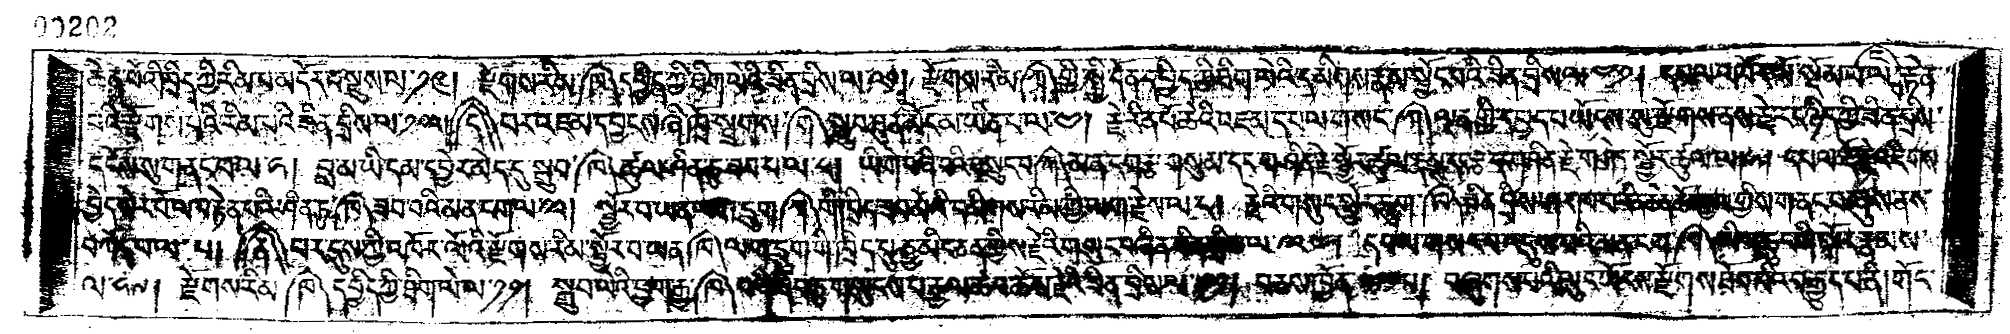ཆེན་པོའི་ཁྲིད་ཀྱི་རིམ་པ་མདོར་བསྡུས་ལ ༡༩། རྫོགས་རིམ ༼ཁ༽ དཔྱིད་ཀྱི་ཐིག་ལེའི་ཟིན་བྲིས་ལ ༢༠། རྫོགས་རིམ ༼ཀ༽ གྱི་སྤྱི་དོན་དཔྱིད་ཀྱི་ཐིག་ལེའི་དམིགས་རྣམ་སྦྱོང་བའི་ཟིན་བྲིས་ལ ༤༡། དཔལ་འཁོར་ལོ་སྡོམ་པ་ལ་རྟེན་
པའི་རྫོགས་པའི་རིམ་པའི་ཟིན་བྲིས་ལ ༡༣། ༼༽ད༼༽ བར་འཇམ་དབྱངས་ཞི་ཁྲོ་སྦྲགས ༼ག༽ སྒྲུབ་ཐུན་མོང་མ་ཡིན་པ་ལ ༤། རྗེ་རིན་པོ་ཆེའི་འཇམ་དཔལ་གསང ༼ཀ༽ ལྡན་གྱི་དཔྱད་པ་ཡོངས་སུ་རྫོགས་ནས་རྗེ་རང་ཉིད་ཀྱི་ཟིན་བྲིས་
དངོས་སུ་གནང་བ་ལ ༦། བླ་མ་ཡི་དམ་དབྱེར་མེད་དུ་སྒྲུབ ༼ཁ༽ ཚུལ་ཤིན་ཏུ་ཟབ་པ་ལ ༨། ཡི་གེ་བཞི་བའི་བསྲུང་བ ༼ཀ༽ མན་ངག་རྩ་གསུམ་དང་གཤིན་རྗེ་སྦྱོར་ཚུལ་རྣམས་དང་རྩ་དང་གཤིན་རྗེ་གཤེད་སྦྱོར་ཚུལ་ལ། ༦། དཔལ་རྡོ་རྗེ་འཇིགས་
བྱེད་སེར་པོ་ལ་བརྟེན་པའི་ཤིན་ཏུ ༼ཁ༽ ཟབ་པའི་མན་ངག་ལ ༣། སྦྱོར་བ་ཡན་ལག་དྲུག ༼ཀ༽ གི་ཁྲིད་ཟབ་མོའི་དམིགས་རིམ་གྱི་ལག་རྗེས་ལ ༨། རྗེའི་གསུང་སྦྱོར་དྲུག ༼ཁ༽ ཟིན་བྲིས་ཤར་ཁ་པ་རིན་ཆེན་ཆོས་རྒྱལ་གྱིས་གནང་བ་ཞུས་ནས་
བཀོད་པ་ལ ༥། ༼༽ན༼༽ པར་དུས་ཀྱི་འཁོར་ལོའི་རྫོགས་རིམ་སྦྱོར་བ་ཡན ༼ཁ༽ ལག་དྲུག་གི་ཁྲིད་པུཎྱ་མིང་ཅན་གྱིས་རྗེའི་གསུང་བཞིན་ཟིན་བྲིས་ལ ༣༤། དཔལ་གསང་བ་འདུས་པའི་མན་ངག ༼ག༽ ཡིག་ཆུང་གི་སྐོར་རྣམས་
ལ ༦༧། རྫོགས་རིམ ༼ཁ༽ དཔྱིད་ཀྱི་ཐིག་ལེ་ལ ༡༡། སྒྲུབ་ལེའི་ཕྱག་རྒྱ ༼ཁ༽ བཞི་ཞིབ་ཏུ་གསུངས་པ་རྒྱལ་ཚབ་ཆོས་རྗེའི་ཟིན་བྲིས་ལ ༡༡། བཅས་ཁྱོན ༤༠༥། བཞུགས་པའི་ལུང་ཡོངས་རྫོགས་ཐོབ་པའི་བརྒྱུད་པ་ནི། གོང་